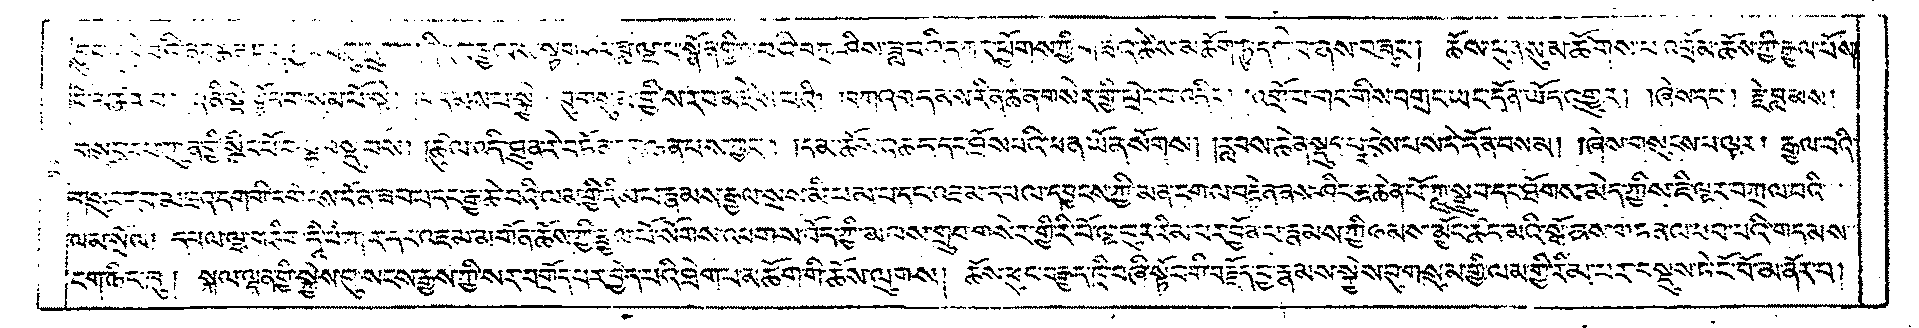བྱུང་དུ་ཕྱེ་བའི་ནང་ཚན། རབ་བྱུང་བཅུ་དྲུག་པའི་རབ་རྒྱལ་ས་སྟག་ཧོར་ཟླ་ལྔ་པ་སྣོན་གྱི་ཉ་བའི་བཀྲ་ཤིས་ཟླ་བའི་དཀར་ཕྱོགས་ཀྱི་གཟའ་ཚེས་མཆོག་ཏུ་དགེ་བ་ནས་བཟུང་། ཆོས་ཕུན་སུམ་ཚོགས་པ་འབྲོམ་ཆོས་ཀྱི་རྒྱལ་པོས།
ངོ་མཚར་བཀའ་ནི་སྡེ་སྣོད་གསུམ་པོ་སྟེ། །གདམས་པ་སྐྱེས་བུ་གསུམ་གྱིས་རབ་མཛེས་པའི། །བཀའ་གདམས་རིན་ཆེན་གསེར་གྱི་ཕྲེང་བ་འདིར། །འགྲོ་བ་གང་གིས་བགྲང་ཡང་དོན་ཡོད་འགྱུར། །ཞེས་དང་། རྗེ་བླ་མས།
གསུང་རབ་ཀུན་གྱི་སྙིང་པོ་བསྡུ་བསྡུ་བས། །ཚུལ་འདི་ཐུན་རེ་བཏོན་དང་ཉན་པས་ཀྱང་། །དམ་ཆོས་འཆད་དང་ཐོས་པའི་ཕན་ཡོན་སོགས། །རླབས་ཆེན་སྡུད་པར་ངེས་པས་དེ་དོན་བསམ། །ཞེས་གསུངས་པ་ལྟར། རྒྱལ་བའི་
གསུང་རབ་མཐའ་དག་གི་དགོངས་དོན་ཟབ་པ་དང་རྒྱ་ཆེ་བའི་ལམ་གྱི་རིམ་པ་རྣམས་རྒྱལ་སྲས་མི་ཕམ་པ་དང་འཇམ་དཔལ་དབྱངས་ཀྱི་མན་ངག་ལ་བརྟེན་ནས་ཤིང་རྟ་ཆེན་པོ་ཀླུ་སྒྲུབ་དང་ཐོགས་མེད་ཀྱིས་ཇི་ལྟར་བཀྲལ་བའི་
ལམ་སྲོལ། དཔལ་ལྷ་གཅིག་དཱི་པཾ་ཀ་ར་དང་འཇམ་མགོན་ཆོས་ཀྱི་རྒྱལ་པོ་སོགས་འཕགས་བོད་ཀྱི་མཁས་གྲུབ་གསེར་གྱི་རི་བོ་ལྟ་བུར་རིམ་པར་བྱོན་པ་རྣམས་ཀྱི་ཉམས་མྱོང་ཚད་མའི་སྒོ་ནས་གཏན་ལ་ཕབ་པའི་གདམས་
ངག་ཉིད་ཁུ། སྐལ་ལྡན་གྱི་སྐྱེས་བུ་སངས་རྒྱས་ཀྱི་སར་བགྲོད་པར་བྱེད་པའི་ཐེག་པ་མཆོག་གི་ཆོས་ལུགས། ཆོས་ཕུང་བརྒྱད་ཁྲི་བཞི་སྟོང་གི་བརྗོད་བྱ་རྣམས་སྐྱེས་བུ་གསུམ་གྱི་ལམ་གྱི་རིམ་པར་བསྡུས་ཏེ་ངོ་བོ་མ་ནོར་བ།